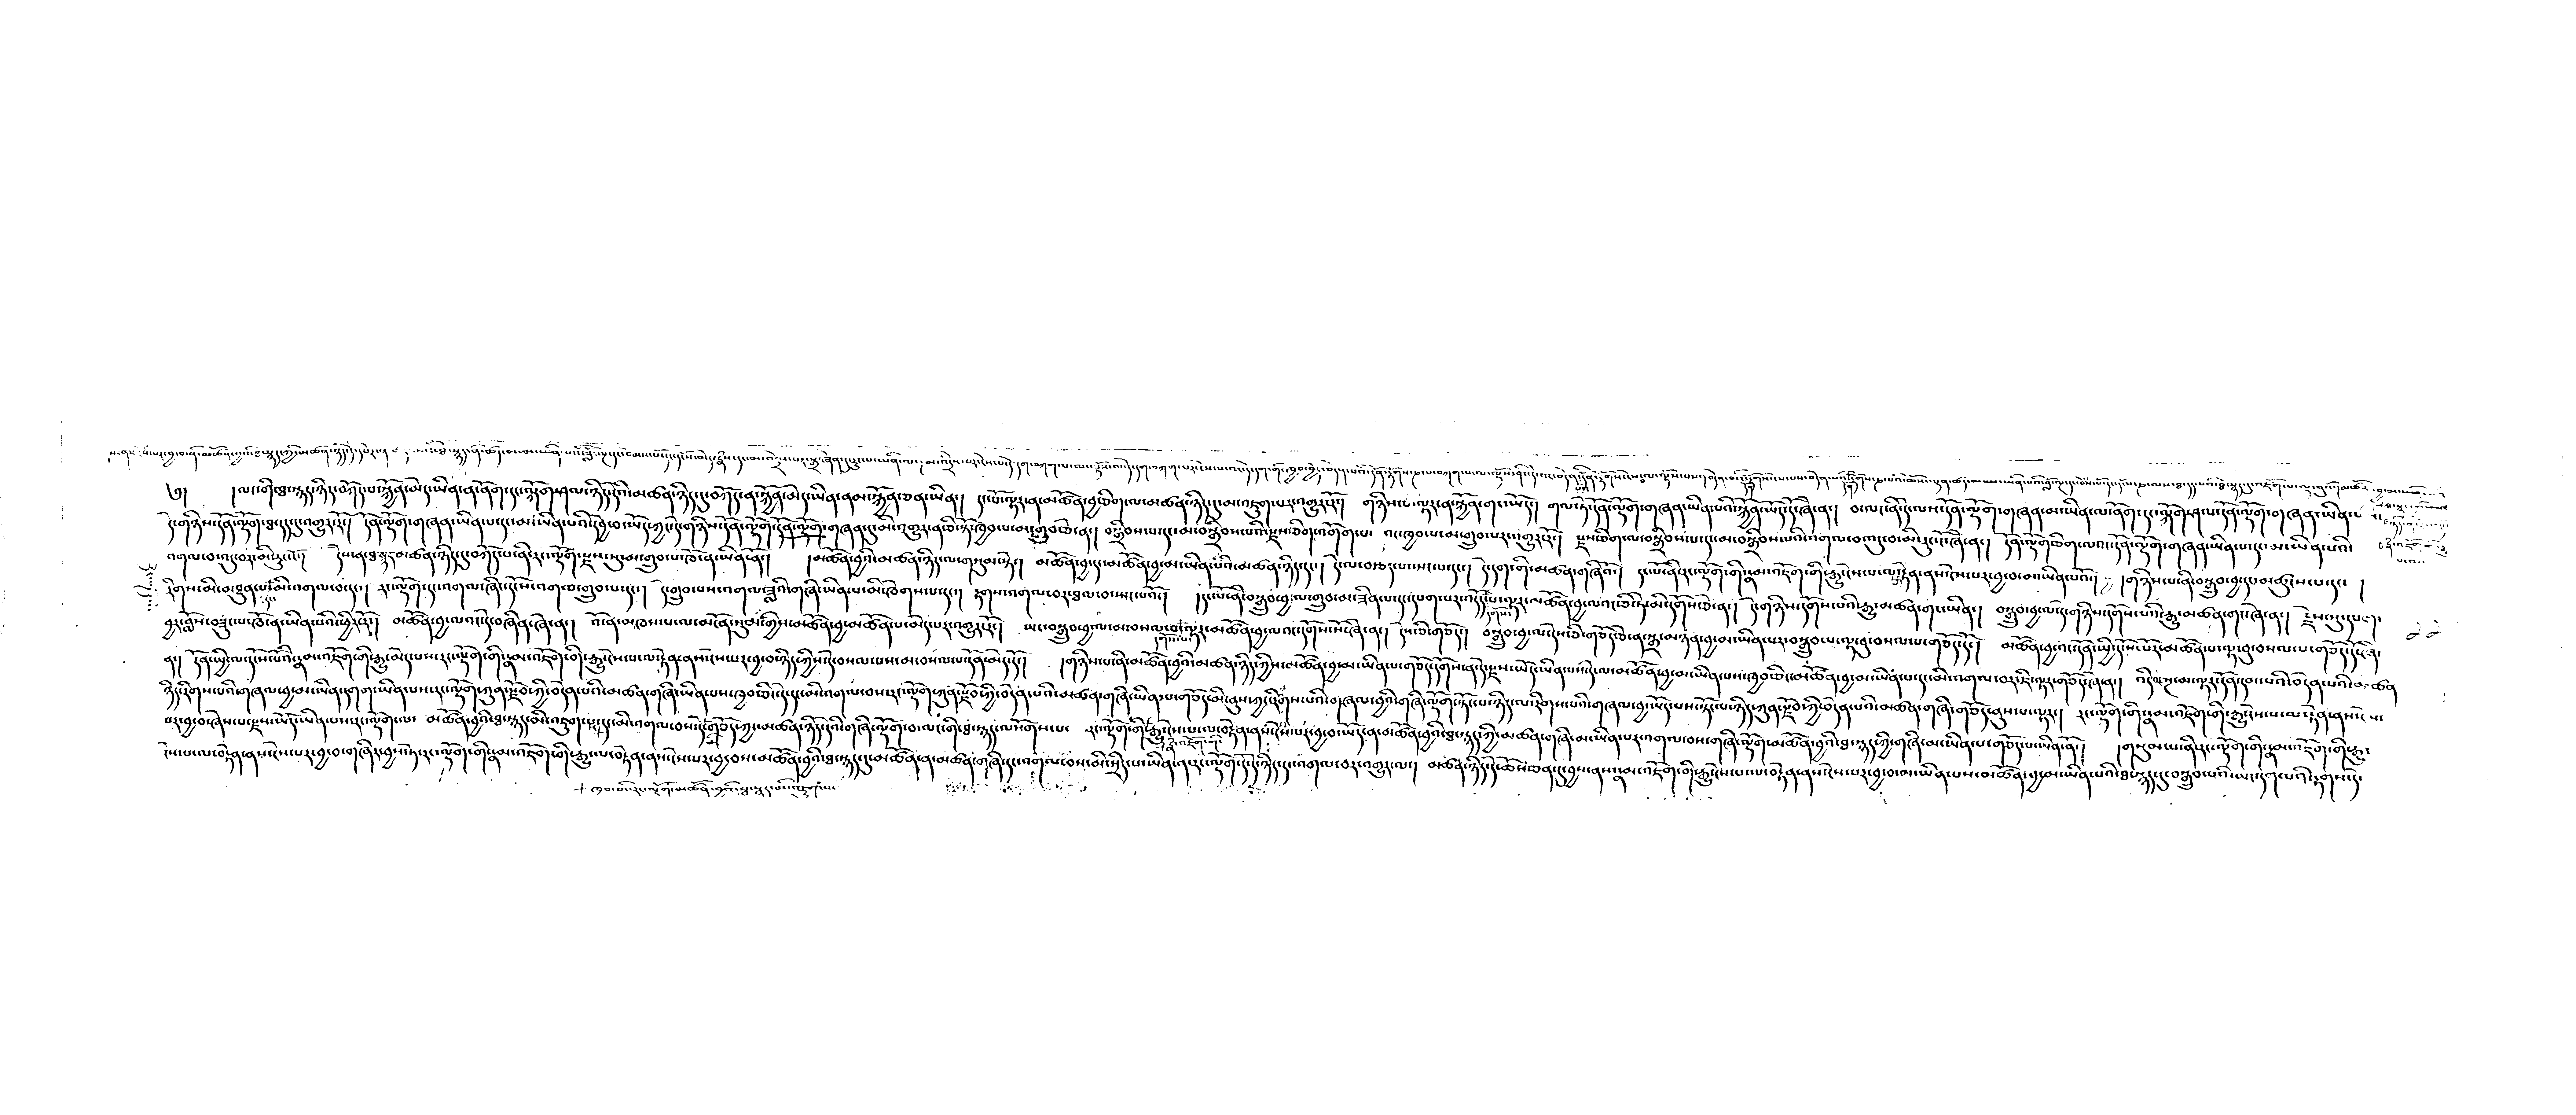༈། །ལང་གི་ཐ་སྙད་ཉིད་བཀོད་པ་སྐྱོན་མེད་ན་ནོག་དང་ལྐོག་ཤལ་ཉིད་དེའི་མཚན་ཉིད་དུ་བཀོད་ན་སྐྱོན་མེད་ཡིན་ནམ་སྐྱོན་ཅན་ཡིན། དང་པོ་ལྟར་ན་མཚོན་བྱ་ཅིག་ལ་མཚན་ཉིད་དུ་མཚན་ཉིད་དུ་མ་འཇུག་པར་འགྱུར་རོ། གཉིས་པ་ལྟར་ན་སྐྱོན་གང་ཡོད། གལ་ཏེ་དོན་ལྡོག་གཞན་ཡིན་པའི་སྐྱོན་ཡོད་དེ་ཞེ་ན། བ་ལང་ནི་དེ་ལས་དོན་ལྡོག་གཞན་མ་ཡིན་ལ་ནོག་དང་ལྐོག་ཤལ་དོན་ལྡོག་གཞན་ཡིན་པ་
དེ་གཉིས་དོན་ལྡོག་ཐ་དད་དུ་འགྱུར་རོ། དོན་ལྡོག་གཞན་ཡིན་པ་དང་མ་ཡིན་པའི་དབྱེ་བ་ཡོད་ཀྱང་དེ་གཉིས་དོན་ལྡོག་དོན་ལྡོག་གཞན་དུ་མི་འགྱུར་ན་ཅི་སྟེ་ཁྱབ་པ་མ་གྲུབ་ཅེ་ན། བསྒྲིབས་པ་དང་མ་བསྒྲིབས་པའི་རྫས་ཅིག་འགོག་པ་འང་ཁྱབ་པ་མ་གྲུབ་པར་འགྱུར་རོ། རྫས་ཅིག་མ་བསྒྲིབས་པ་དང་མ་བསྒྲིབས་པའི་འགལ་བ་འདུ་བ་མི་རུང་ངོ་ཞེ་ན། དོན་ལྡོག་ཅིག་ལའང་དོན་ལྡོག་གཞན་ཡིན་པ་དང་མ་ཡིན་པའི་
འགལ་བ་འདུ་བར་མི་རུང་ངོ། དེས་ན་ཐ་སྙད་མཚན་ཉིད་དུ་བཀོད་པ་ནི་རང་ལྡོག་རྫས་སུ་མ་གྲུབ་པ་ཁོ་ན་ཡིན་ནོ། །མཚོན་བྱའི་མཚན་ཉིད་ལ་གསུམ་སྟེ། མཚོན་བྱ་དང་མཚོན་བྱ་མ་ཡིན་པའི་མཚན་ཉིད་དང་། དེ་ལ་བརྩད་པ་སྤང་པ་དང་། དེ་དག་གི་མཚན་གཞིའོ། དང་པོ་ནི་རང་ལྡོག་གི་རྣམ་འཇོག་གི་རྒྱུ་ངེས་པ་ལ་རྟེན་ནས་ངེས་པར་བྱ་བ་མ་ཡིན་པའོ། །གཉིས་པ་ནི་བསྒྲུབ་བྱ་དང་མཚུངས་པ་དང་།
རིགས་མི་མཐུན་པ་དང་མི་འགལ་བ་དང་། རང་ལྡོག་དང་འགལ་ཞིང་དངོས་འགལ་གྲུབ་པ་དང་། དེ་གྲུབ་པས་འགལ་ཟླའི་གཞི་ཡིན་པ་མི་ཁེགས་པ་དང་། རྟགས་འགལ་བར་ཐལ་བ་སྤང་པའོ། །དང་པོ་ནི་བསྒྲུབ་བྱ་ལ་གྲུབ་མ་ཟིན་པ་དང་དཔག་པར་འདོད་དགོས་པ་ལྟར་མཚོན་བྱ་ལའང་ཅི་ཏེ་མི་དགོས་ཅེ་ན། དེ་གཉིས་དགོས་པའི་རྒྱུ་མཚན་གང་ཡིན། བསྒྲུབ་བྱ་ལ་དེ་གཉིས་དགོས་པའི་རྒྱུ་མཚན་གང་ཞེ་ན། རྗེས་སུ་དཔག་
བྱར་བློས་བཟུང་པ་ཁོ་ན་ཡིན་པའི་ཕྱིར་རོ། མཚོན་བྱ་ལའང་དེ་བཞིན་ཞེ་ན། འོ་ན་མཁས་པ་ལ་མངོན་སུམ་གྱིས་མཚོན་བྱ་མཚོན་པ་མེད་པར་འགྱུར་རོ། ཡང་བསྒྲུབ་བྱ་ལ་མ་བསལ་དགོས་པ་ལྟར་མཚོན་བྱ་ལའང་དགོས་སོ་ཞེ་ན། དེས་ཅི་གཅོད། བསྒྲུབ་བྱ་ལ་དེས་ཅི་གཅོད་ཅེ་ན་སྒྲ་མཉན་བྱ་མ་ཡིན་པར་བསྒྲུབ་པ་ལྟ་བུ་བསལ་པ་གཅོད་དོ། མཚོན་བྱའང་དོན་སྤྱི་དངོས་པོར་མཚོན་པ་ལྟ་བུར་བསལ་པ་གཅོད་དེ་ཞེ་
ན། དོན་སྤྱིད་ལ་དངོས་པོའི་རྣམ་འཇོག་གི་རྒྱུ་མེད་པས་རང་ལྡོག་གི་རྣམ་འཇོག་གི་རྒྱུ་ངེས་པ་ལ་རྟེན་ནས་ངེས་པར་བྱ་བ་ཉིད་ཀྱིས་དེ་བསལ་པས་མ་བསལ་པ་དོན་མེད་དོ། །གཉིས་པ་ནི་མཚོན་བྱའི་མཚན་ཉིད་ཀྱིས་མཚོན་བྱ་མ་ཡིན་པ་གཅོད་དགོས་ན་དེ་རྫས་ཡོད་ཡིན་པ་དེ་ལ་མཚོན་བྱ་མ་ཡིན་པས་ཁྱབ་ཅི་མཚོན་བྱ་མ་ཡིན་པ་དང་མི་འགལ་བར་ཇི་ལྟར་གཅོད་ཞེ་ན། འདི་ལ་སྔ་མ་ལྟར་དོན་དམ་ནའི་བདེན་པའི་མཚན་
ཉིད་རིགས་པའི་གཞལ་བྱ་མ་ཡིན་དགག་ཡིན་པས་རང་ལྡོག་ཀུན་རྫོབ་ཀྱི་བདེན་པའི་མཚན་གཞི་ཡིན་པས་ཁྱབ་ཅིང་དེ་དང་མི་འགལ་བས་རང་ལྡོག་ཀུན་རྫོབ་ཀྱི་བདེན་པའི་མཚན་གཞི་ཡིན་པ་གཅོད་མི་ནུས་ཀྱང་རིགས་པའི་གཞལ་བྱའི་གཞི་ལྡོག་སྟོང་པ་ཉིད་ལ་རིགས་པའི་གཞལ་བྱ་ཡོད་པས་སྟོང་པ་ཉིད་ཀུན་རྫོབ་ཀྱི་བདེན་པའི་མཚན་གཞི་གཅོད་ནུས་པ་ལྟར། རང་ལྡོག་གི་རྣམ་འཇོག་གི་རྒྱུ་ངེས་པ་ལ་རྟེན་ནས་ངེས་
པར་བྱ་བ་ཞེས་པ་རྫས་ཡོད་ཡིན་པས་རང་ལྡོག་ལ་མཚོན་བྱའི་ཐ་སྙད་མི་འཇུག་པས?་ཁྱབ་ཅིང་། རང་ལྡོག་མཚོན་བྱའི་ཐ་སྙད་མི་འཇུག་དང་མི་འགལ་བས་དེ་མི་གཅོད་ཀྱང་མཚན་ཉིད་དེའི་གཞི་ལྡོག་བ་ལང་གི་ཐ་སྙད་ལ་སོགས་པ་རང་ལྡོག་གི་རྣམ་འཇོག་གི་རྒྱུ་ངེས་པ་ལ་བརྟེན་ནས་ངེས་པར་བྱ་བ་ཡོད་ན་མཚོན་བྱའི་ཐ་སྙད་ཀྱི་མཚན་གཞི་མ་ཡིན་པར་འགལ་བས་གཞི་ལྡོག་མཚོན་བྱའི་ཐ་སྙད་ཀྱི་གཞི་མ་ཡིན་པ་གཅོད་པ་ཡིན་ནོ། །གསུམ་པ་ནི་རང་ལྡོག་གི་རྣམ་འཇོག་གི་རྒྱུ་
ངེས་པ་ལ་བརྟེན་ནས་ངེས་པར་བྱ་བ་གཞིར་བྱས་ཏེ་རང་ལྡོག་གི་རྣམ་འཇོག་གི་རྒྱུ་ལ་བརྟེན་ནས་ངེས་པར་བྱ་བས་མཚོན་བྱའི་ཐ་སྙད་དུ་མཚོན་ན་མཚན་གཞི་དང་འགལ་བས་མི་སྲིད་པ་ཡིན་ན་རན་ལྡོག་དེ་ཉིད་དང་འགལ་བར་འགྱུར་ལ། མཚན་ཉིད་དེ་ཆོས་ཅན་དུ་བྱས་ནས་རྣམ་འཇོག་གི་རྒྱུ་ངེས་པ་ལ་བརྟེན་ནས་ངེས་པར་བྱ་བ་མ་ཡིན་པས་མཚོན་བྱ་མ་ཡིན་པའི་ཐ་སྙད་དུ་བསྒྲུབ་པའི་ཡང་དག་པའི་རྟགས་དེ་